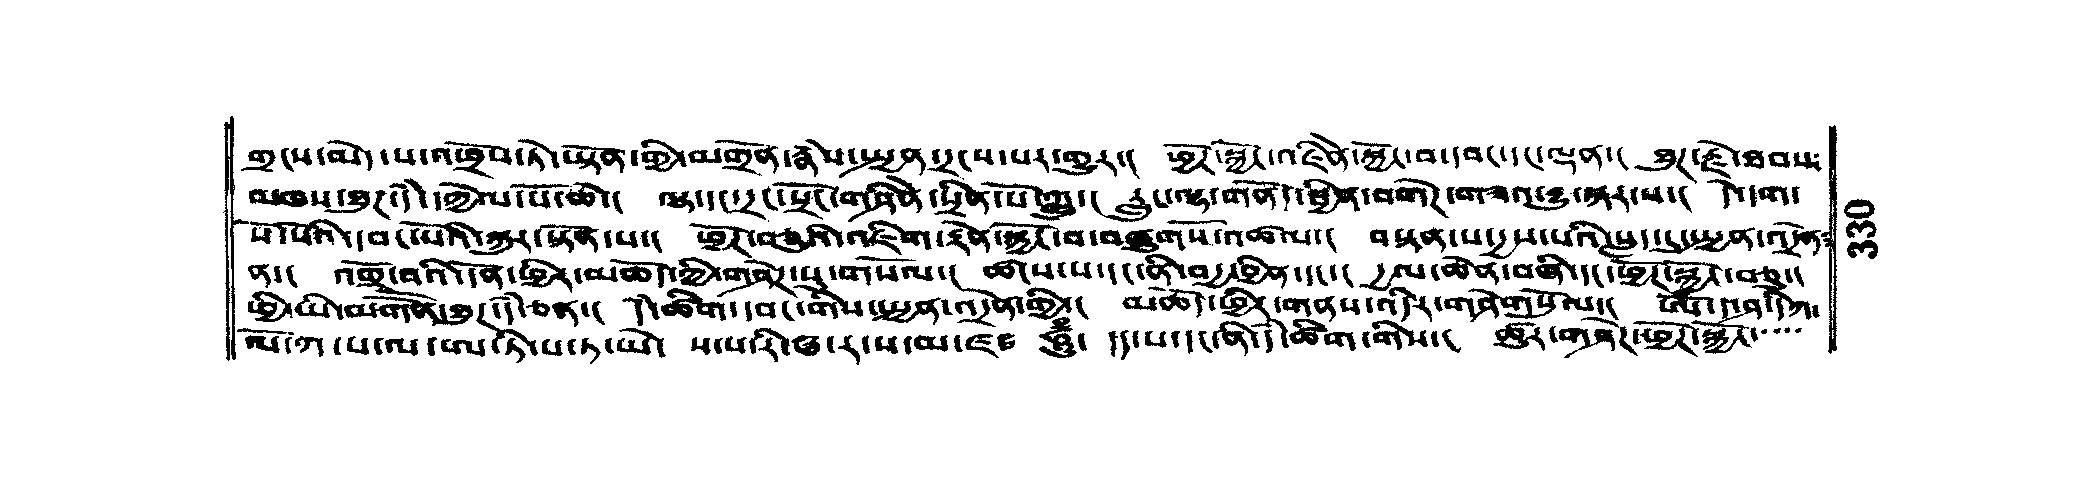གྲངས་མེད་པ་འཕྲོས་ཏེ་ཡོན་ཏན་གྱི་མགྲོན་རྣམས་སྤྱན་དྲངས་པར་གྱུར། ཕྱོགས་སྐྱོང་འཇིག་རྟེན་སྐྱོང་བ་དབང་དང་ལྡན། །ཐུགས་རྗེ་ཐབས་
མཁས་ཐུགས་དམ་དཀྱེལ་པོ་ཆེ། །ལྷ་དང་དྲང་སྲོང་གཤིན་རྗེ་སྲིན་པོ་ཀླུ། །རླུང་ལྷ་གནོད་སྦྱིན་བགེགས་གཟའ་རྒྱུ་སྐར་ས། །དེ་དག་
སོ་སོའི་དབང་པོའི་སྐུར་སྟོན་པ། །ཕྱོགས་བཅུའི་འཇིག་རྟེན་སྐྱོང་བ་བཞུགས་སོ་འཚལ། །བསྟན་པ་རྒྱས་པའི་སླད་དུ་སྤྱན་འདྲེན་
ན། །འགྲོ་བའི་དོན་ཕྱིར་མཆོད་ཀྱི་གཤེགས་སུ་གསོལ། །ཚངས་པ་དང་ནི་བརྒྱ་བྱིན་དང་། །རྒྱལ་ཆེན་བཞི་དང་ཕྱོགས་སྐྱོང་བཅུ། །
ཕྱི་ཡི་མགོན་པོ་ཐུགས་དམ་ཅན། །དམ་ཚིག་དབང་གིས་སྤྱན་འདྲེན་གྱི། །མཆོད་ཕྱིར་གནས་འདིར་གཤེགས་སུ་གསོལ། ཨོཾ་ད་ཤ་དི་ཀ་
ལོ་ཀ་པ་ལ་ཨ་ཏི་པ་ཧ་ཡེ།ས་པ་རི་ཝ་ར་ས་མ་ཛཿ ཧཱུྃ། དད་པ་དང་ནི་དམ་ཚིག་གིས། །ཚུར་གཤེགས་ཕྱོགས་སྐྱོང་